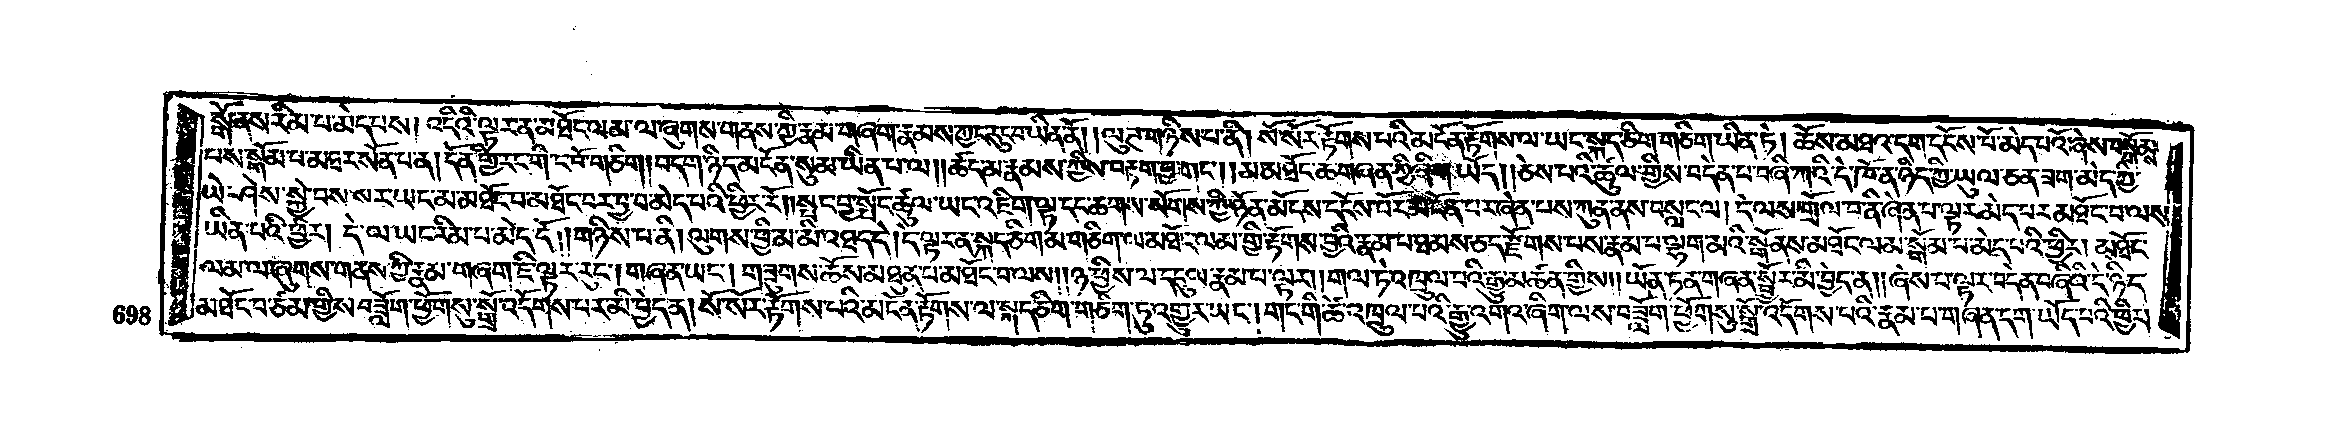སྒོ་ནས་རིམ་པ་མེད་པས། འདིའི་ལྟར་ན་མཐོང་ལམ་ལ་ཞུགས་གནས་ཀྱི་རྣམ་གཞག་རྣམས་ཀྱང་རུང་བ་ཡིན་ནོ། །ལུགས་གཉིས་པ་ནི། སོ་སོར་རྟོགས་པའི་མངོན་རྟོགས་ལ་ཡང་སྐད་ཅིག་གཅིག་ཡིན་ཏེ། ཆོས་མཐའ་དག་དངོས་པོ་མེད་པའོ་ཞེས་བསྒོམས་
པས་སྒོམ་པ་མཐར་སོན་པ་ན། དོན་གྱི་རང་གི་ངོ་བོ་གཅིག །བདག་ཉིད་མངོན་སུམ་ཡིན་པ་ལ། །ཚད་མ་རྣམས་ཀྱིས་བརྟག་བྱ་གང་། །མ་མཐོང་ཆ་གཞན་ཅི་ཞིག་ཡོད། །ཅེས་པའི་ཚུལ་གྱིས་བདེན་པ་བཞི་ཀའི་དེ་ཁོ་ན་ཉིད་ཀྱི་ཡུལ་ཅན་ཟག་མེད་ཀྱི་
ཡེ་ཤེས་སྐྱེ་བས་སླར་ཡང་མ་མཐོང་བ་མཐོང་བར་བྱ་བ་མེད་པའི་ཕྱིར་རོ། །སྤང་བྱ་སྤོང་ཚུལ་ཡང་འཇིག་ལྟ་དང་ཆགས་སོགས་ཀྱི་ཉོན་མོངས་དངོས་པོར་མངོན་པར་ཞེན་པས་ཀུན་ནས་བསླང་ལ། དེ་ལས་གྲོལ་བ་ནི་ཞེན་པ་ལྟར་མེད་པར་མཐོང་བ་ལ་
ཡིན་པའི་ཕྱིར། དེ་ལ་ཡང་རིམ་པ་མེད་དོ། །གཉིས་པ་ནི། ལུགས་ཕྱི་མ་མི་འཐད་དེ། དེ་ལྟར་ན་སྐད་ཅིག་མ་གཅིག་ལ་མཐོང་ལམ་གྱི་རྟོགས་བྱའི་རྣམ་པ་ཐམས་ཅད་རྫོགས་པས་རྣམ་པ་ལྷག་མའི་སྒོ་ནས་མཐོང་ལམ་སྒོམ་པ་མེད་པའི་ཕྱིར། མཐོང་
ལམ་ལ་ཞུགས་གནས་ཀྱི་རྣམ་གཞག་ཇི་ལྟར་རུང་། གཞན་ཡང་། གཟུགས་ཆོས་མཐུན་པ་མཐོང་བ་ལས། །ཉ་ཕྱིས་ལ་དངུལ་རྣམ་པ་ལྟར། །གལ་ཏེ་འཁྲུལ་བའི་རྒྱུ་མཚན་གྱིས། །ཡོན་ཏན་གཞན་སྦྱོར་མི་བྱེད་ན། །ཞེས་པ་ལྟར་བདེན་བཞིའི་དེ་ཉིད་
མཐོང་པ་ཙམ་གྱིས་བཟློག་ཕྱོགས་སུ་སྒྲོ་འདོགས་པར་མི་བྱེད་ན། སོ་སོར་རྟོགས་པའི་མངོན་རྟོགས་ལ་སྐད་ཅིག་གཅིག་ཏུ་འགྱུར་ཡང་། གང་གི་ཚེ་འཁྲུལ་པའི་རྒྱུ་འགའ་ཞིག་ལས་བཟློག་ཕྱོགས་སུ་སྒྲོ་འདོགས་པའི་རྣམ་པ་གཞན་དག་ཡོད་པའི་ཕྱིར།